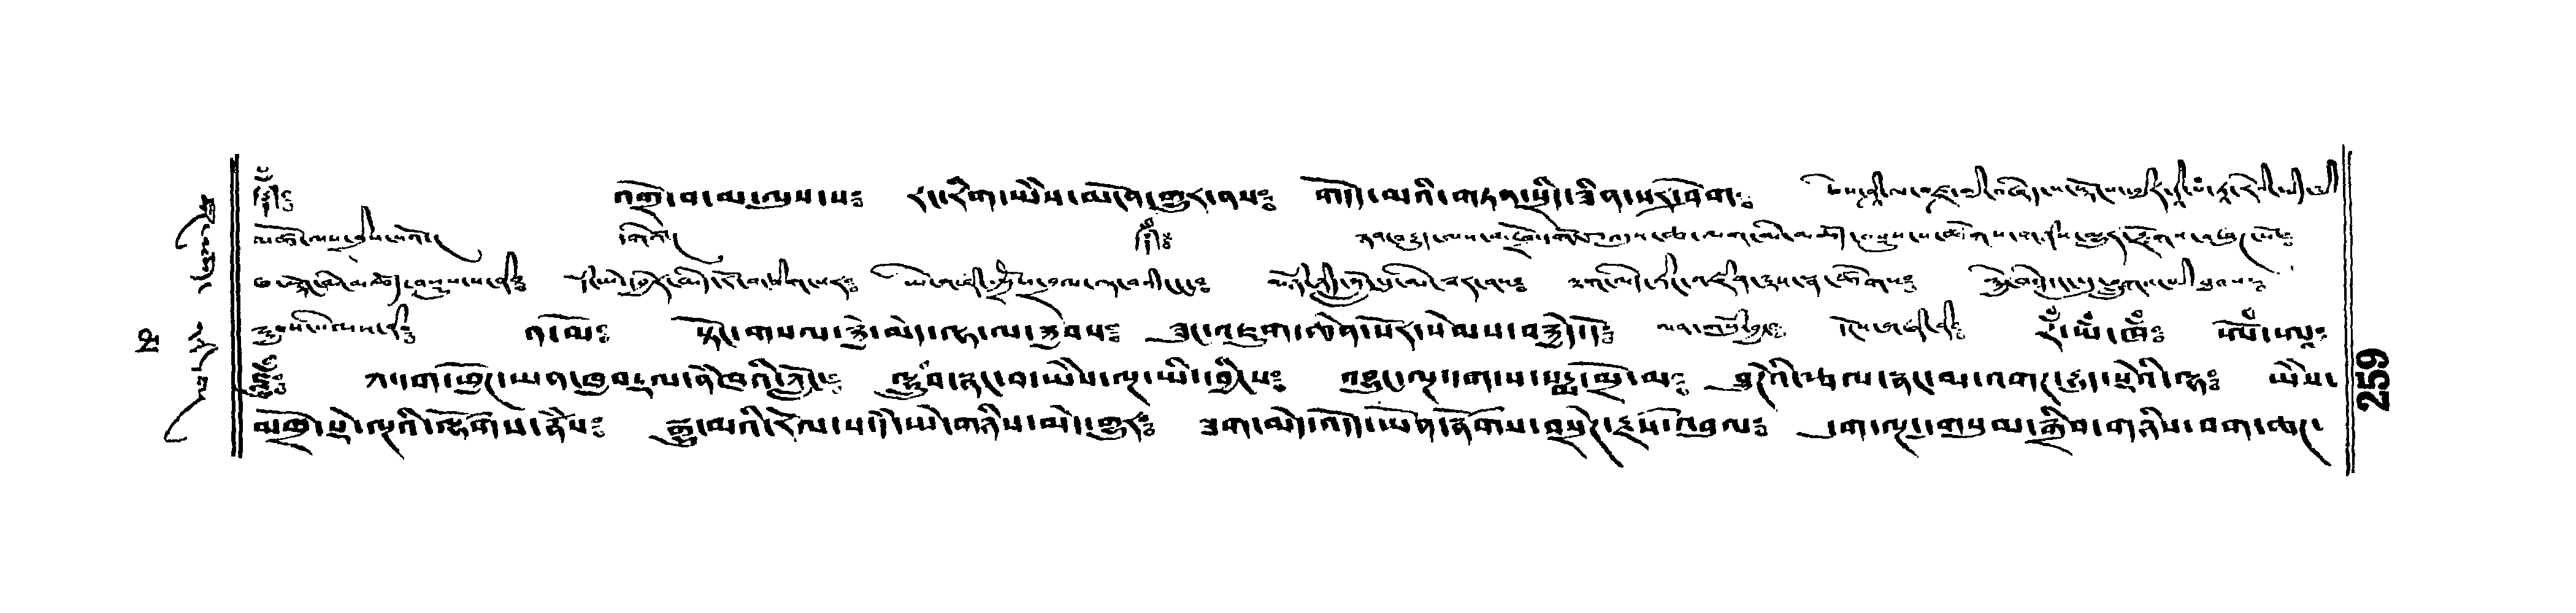འགྲོ་བ་མ་ལུས་པ༔ རང་རིག་ཡེ་ཤེས་མངོན་གྱུར་ནས༔ གདོད་མའི་གཏན་སྲིད་ཟིན་པར་ཤོག༔ ཅེས་ཤཱི་ལ་བཛྲ་གྱི་བཞེད་པ་སྐོང་ཕྱིར་དཱི་པཾ་ཏཱ་རེའི་ཡིད་ཀྱི་
མཚོ་ལས་བྲིས་པའོ།། དགེའོ།། སྙན་བརྒྱུད་ལས་མཁའ་འགྲོ་དགོངས་འདུས་ཆ་ལག་མེ་མཆོད་བསྡུས་པ་ཚོགས་གཉིས་མྱུར་རྫོགས་བཞུགས་སོ༔ 
ཁ་སྐོང་མེ་མཆོད་བསྡུས་པ་ནི༔ དམ་ཡེ་དབྱེར་མེད་རོ་གཅིག་པར༔ ཡེ་གཞི་སྤྲོས་བྲལ་ལྟ་བའི་ངང༔ མཉམ་ཉིད་ཀློང་དུ་མེ་སྦར་ནས༔ ཟག་མེད་ཏིང་འཛིན་ཟས་སྣ་ཚོགས༔ སྐྱེ་མེད་དང་དུ་བླུགས་པའི་ཐབས༔ 
སྐྱབས་སེམས་ནི༔ ན་མོ༔ སྟོང་གསལ་སྐྱེ་མེད་ལྷ་ལ་སྐྱབས༔ ཟུང་འཇུག་ཆེན་པོར་སེམས་བསྐྱེད་དོ༔ ལན་གསུམ་བྱ༔ དངོས་གཞི་ནི༔ རྃ་ཡྃ་ཁྃ༔ ཨོཾ་ཨཱཿ 
ཧཱུྃཿ ཀ་དག་ཕྱོགས་ཡན་ཁྱབ་བརྡལ་ནམ་མཁའི་ཀློང༔ ལྷུན་གྲུབ་སྣང་བ་ཡེ་ཤེས་ལྔ་ཡི་དབྱིངས༔ འབྱུང་ལྔ་དག་པ་པདྨ་མཁའ་འགྲོ་མ༔ ཐུགས་རྗེའི་རྩལ་སྣང་མ་འགགས་རྒྱུད་སྡེའི་ལྷ༔ ཡེ་ཤེས་
མཁའ་འགྲོ་སྡེ་ལྔའི་ལྷ་ཚོགས་རྣམས༔ སྒྱུ་མའི་རོལ་པ་དམ་ཡེ་གཉིས་མེད་གྱུར༔ ཟག་མེད་འདོད་ཡོན་སྣ་ཚོགས་བསྲེག་རྫས་འབུལ༔ དུག་ལྔ་དུག་གསུམ་སྒྲིབ་གཉིས་བག་ཆགས་